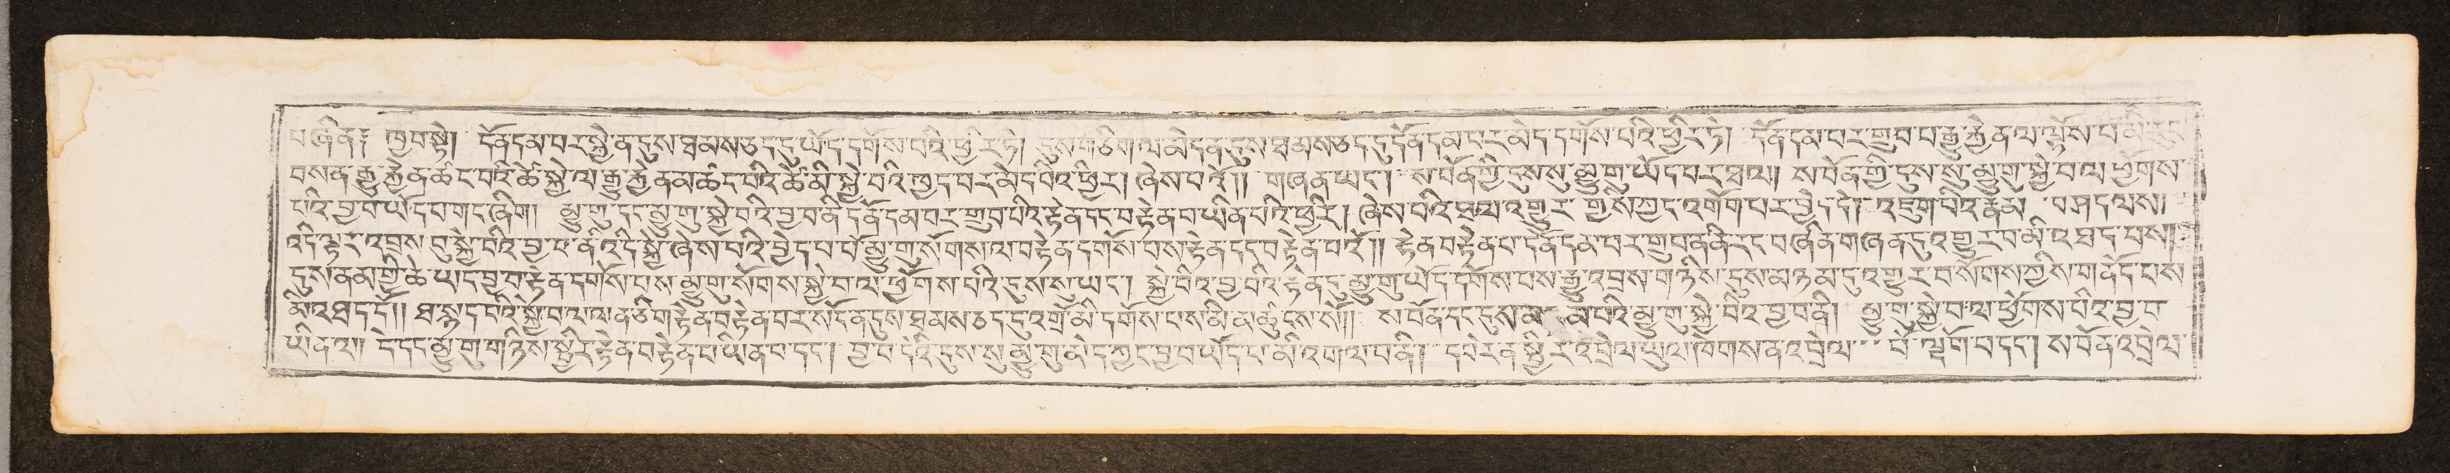བཞིན། ཁྱབ་སྟེ། དོན་དམ་པར་སྐྱེ་ན་དུས་ཐམས་ཅད་དུ་ཡོད་དགོས་པའི་ཕྱིར་ཏེ། དུས་གཅིག་ལ་མེད་ན་དུས་ཐམས་ཅད་དུ་དོན་དམ་པར་མེད་དགོས་པའི་ཕྱིར་ཏེ། དོན་དམ་པར་གྲུབ་པ་རྒྱུ་རྐྱེན་ལ་ལྟོས་པ་མི་རུང་
བས་ན་རྒྱུ་རྐྱེན་ཚང་བའི་ཚེ་སྐྱེ་ལ་རྒྱུ་རྐྱེན་མ་ཚང་བའི་ཚེ་མི་སྐྱེ་བའི་ཁྱད་པར་མེད་པའི་ཕྱིར། ཞེས་པའོ།། གཞན་ཡང་། ས་བོན་གྱི་དུས་སུ་མྱུ་གུ་ཡོད་པར་ཐལ། ས་བོན་གྱི་དུས་སུ་མྱུ་གུ་སྐྱེ་བ་ལ་ཕྱོགས་
པའི་བྱ་བ་ཡོད་པ་གང་ཞིག། མྱུ་གུ་དང་མྱུ་གུ་སྐྱེ་བའི་བྱ་བ་ནི་དོན་དམ་པར་གྲུབ་པའི་རྟེན་དང་བརྟེན་པ་ཡིན་པའི་ཕྱིར། ཞེས་པའི་ཐལ་འགྱུར་གྱིས་ཀྱང་འགོག་པར་བྱེད་དེ། འཇུག་པའི་རྣམ་བཤད་ལས།
འདི་ལྟར་འབྲས་བུ་སྐྱེ་བའི་བྱ་བ་ནི་འདི་སྐྱེ་ཞེས་པའི་བྱེད་པ་པོ་མྱུ་གུ་སོགས་ལ་བརྟེན་དགོས་པས་རྟེན་དང་བརྟེན་པའོ།། རྟེན་བརྟེན་པ་དོན་དམ་པར་གྲུབ་ན་ནི་རང་བཞིན་གཞན་དུ་འགྱུར་བ་སོགས་ཀྱིས་གནོད་པས་
དུས་ནམ་གྱི་ཆེ་ཡང་བྱ་བ་རྟེན་དགོས་པས་མྱུ་གུ་སོགས་སྐྱེ་བ་ལ་ཕྱོགས་པའི་དུས་སུ་ཡང་། སྐྱེ་བའི་བྱ་བའི་རྟེན་དུ་མྱུ་གུ་ཡོད་དགོས་པས་རྒྱུ་འབྲས་གཉིས་དུས་མཉམ་དུ་འགྱུར་བ་སོགས་ཀྱིས་གནོད་པས་
མི་འཐད་དོ།། ཐ་སྙད་པའི་སྐྱེ་བ་ལ་ལན་ཅིག་རྟེན་བརྟེན་པར་སོང་ན་དུས་ཐམས་ཅད་དུ་འགྲོ་མི་དགོས་པས་མི་མཚུངས་སོ།། ས་བོན་དང་དུས་མཉམ་པའི་མྱུ་གུ་སྐྱེ་བའི་བྱ་བ་ནི། མྱུ་གུ་སྐྱེ་བ་ལ་ཕྱོགས་པའི་བྱ་བ་
ཡིན་ལ། དེ་དང་མྱུ་གུ་གཉིས་སྤྱིར་རྟེན་བརྟེན་པ་ཡིན་པ་དང་། བྱ་བ་དེའི་དུས་སུ་མྱུ་གུ་མེད་ཀྱང་བྱ་བ་ཡོད་པ་མི་འགལ་བ་ནི། དཔེར་ན་སྤྱིར་འབྲེལ་ཡུལ་ཁེགས་ན་འབྲེལ་པོ་ལྡོག་པ་དང་། ས་བོན་འབྲེལ་